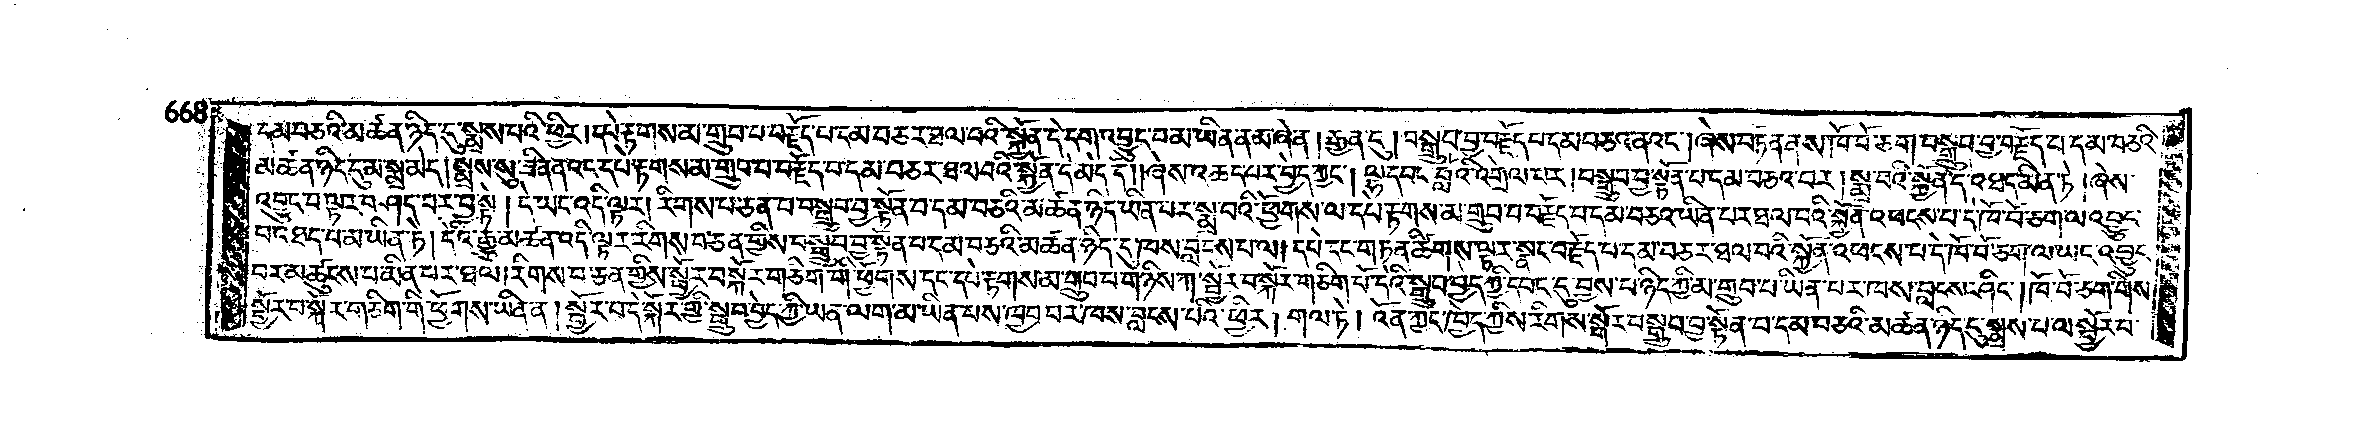དམ་བཅའི་མཚན་ཉིད་དུ་སྨྲས་པའི་ཕྱིར། དཔེ་རྟགས་མ་གྲུབ་པ་བརྗོད་པ་དམ་བཅར་ཐལ་བའི་སྐྱོན་དེ་དག་འབྱུང་བ་མ་ཡིན་ནམ་ཞེ་ན། རྒྱན་དུ། བསྒྲུབ་བྱ་བརྗོད་པ་དམ་བཅའ་ནའང་། ཞེས་བཏོན་ནས་ཁོ་བོ་ཅག་བསྒྲུབ་བྱ་བརྗོད་པ་དམ་བཅའི་
མཚན་ཉིད་དུ་མ་སྨྲ་མེད། སྨྲས་སུ་ཟིན་ནའང་དཔེ་རྟགས་མ་གྲུབ་པ་བརྗོད་པ་དམ་བཅར་ཐལ་བའི་སྐྱོན་དེ་མེད་དོ། །ཞེས་འཆད་པར་བྱེད་ཀྱང་། ལྷ་དབང་བློའི་འགྲེལ་བར། བསྒྲུབ་བྱ་སྟོན་པ་དམ་བཅའ་བར། སྨྲ་བའི་སྐྱོན་དེ་འཐད་མིན་ཏེ། ཞེས་
འབྱུང་བ་ལྟར་བཤད་པར་བྱ་སྟེ། དེ་ཡང་འདི་ལྟར། རིགས་པ་ཅན་པ་བསྒྲུབ་བྱ་སྟོན་པ་དམ་བཅའི་མཚན་ཉིད་ཡིན་པར་སྨྲ་བའི་ཕྱོགས་ལ་དཔེ་རྟགས་མ་གྲུབ་པ་བརྗོད་པ་དམ་བཅའ་ཡིན་པར་ཐལ་བའི་སྐྱོན་འཕངས་པ་དེ་ཁོ་བོ་ཅག་ལ་འབྱུང་
བ་འཐད་པ་མ་ཡིན་ཏེ། དེའི་རྒྱུ་མཚན་འདི་ལྟར་རིགས་པ་ཅན་གྱིས་བསྒྲུབ་བྱ་བསྟོན་པ་དམ་བཅའི་མཚན་ཉིད་དུ་ཁས་བླངས་པ་ལ། དཔེ་དང་གཏན་ཚིགས་ལྟར་སྣང་བརྗོད་པ་དམ་བཅར་ཐལ་བའི་སྐྱོན་འཕངས་པ་དེ་ཁོ་བོ་ཅག་ལ་ཡང་འབྱུང་
བར་མཚུངས་པ་མིན་པར་ཐལ། རིགས་པ་ཅན་གྱིས་སྦྱོར་བ་བསྐོར་གཅིག་གི་ཕྱོགས་དང་དཔེ་རྟགས་མ་གྲུབ་པ་གཉིས་ཀ་སྦྱོར་བ་སྐོར་གཅིག་པོ་དེའི་སྒྲུབ་བྱེད་ཀྱི་དབང་དུ་བྱས་པ་ཉིད་ཀྱི་མ་གྲུབ་པ་ཡིན་པར་ཁས་བླངས་ཤིང་། ཁོ་བོ་ཅག་གིས་
སྦྱོར་བ་སྐོར་གཅིག་གི་ཕྱོགས་ཡིན་ན། སྦྱོར་བ་དེ་སྐོར་གྱི་སྒྲུབ་བྱེད་ཀྱི་ཡན་ལག་མ་ཡིན་པས་ཁྱབ་པར་ཁས་བླངས་པའི་ཕྱིར། གལ་ཏེ། འོན་ཀྱང་ཁྱེད་ཀྱིས་རིགས་སྒོར་བསྒྲུབ་བྱ་སྟོན་པ་དམ་བཅའི་མཚན་ཉིད་དུ་སྨྲས་པ་ལ་སྦྱོར་བ་